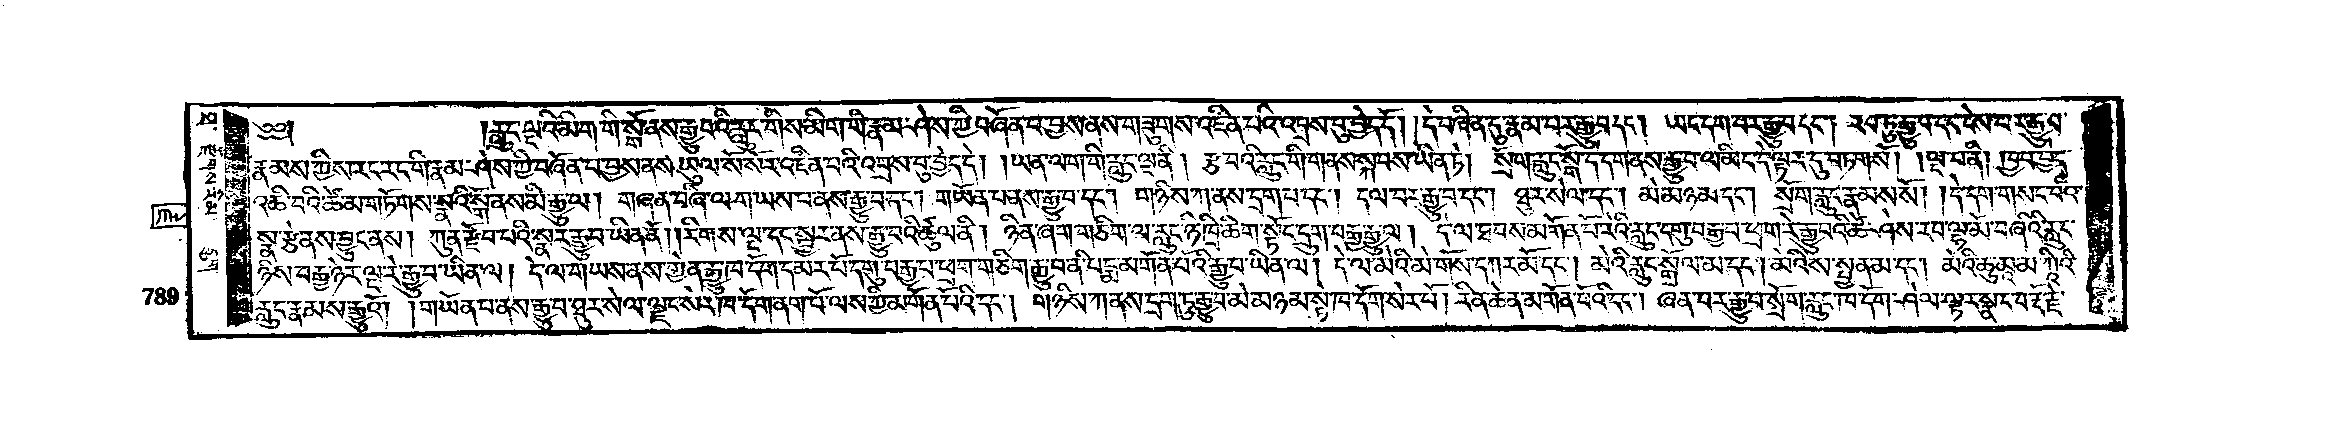༄༅། །རླུང་ལྔའི་མིག་གི་སྒོ་ནས་རྒྱུ་བའི་རླུང་གིས་མིག་གི་རྣམ་ཤེས་ཀྱི་བཞོན་པ་བྱས་ནས་གཟུགས་འཛིན་པའི་འབྲས་བུ་བྱེད་དོ། །དེ་བཞིན་དུ་རྣམ་པར་རྒྱུ་བ་དང་། ཡང་དག་པར་རྒྱུ་བ་དང་། རབ་ཏུ་རྒྱུ་བ་དང་ངེས་པར་རྒྱུ་བ་
རྣམས་ཀྱིས་རང་རང་གི་རྣམ་ཤེས་ཀྱི་བཞོན་པ་བྱས་ནས་ཡུལ་སོ་སོར་འཛིན་པའི་འབྲས་བུ་བྱེད་དེ། །ཡན་ལག་གི་རླུང་ལྔ་ནི། རྩ་བའི་རླུང་གི་གནས་སྐབས་ཡིན་ཏེ། སྲོག་རླུང་སྒོ་དེ་དག་ནས་རྒྱུ་བ་ལ་མིང་དེ་ལྟར་དུ་བཏགས་སོ། །ལྔ་པ་ནི། ཁྱབ་བྱེད་
འཆི་བའི་ཚེ་མ་གཏོགས་སྣའི་སྒོ་ནས་མི་རྒྱུ་ལ། གཞན་བཞི་ལ་གཡས་པ་ནས་རྒྱུ་བ་དང་། གཡོན་པ་ནས་རྒྱུ་བ་དང་། གཉིས་ཀ་ནས་དྲག་པ་དང་། དལ་བར་རྒྱུ་བ་དང་། ཐུར་སེལ་དང་། མེ་མཉམ་དང་། སྲོག་རླུང་རྣམས་སོ། །དེ་དག་གསང་བའི་
སྣ་རྩེ་ནས་བྱུང་ནས། ཀུན་རྫོབ་པའི་སྣར་རྒྱུ་བ་ཡིན་ནོ། །རིགས་ལྔ་དང་སྦྱར་ནས་རྒྱུ་བའི་ཚུལ་ནི། ཉིན་ཞག་གཅིག་ལ་རླུང་ཉི་ཁྲི་ཆིག་སྟོང་དྲུག་བརྒྱ་རྒྱུ་ལ། དེ་ལ་ཐབས་མགོན་པོ་རེའི་རླུང་དགུ་བརྒྱ་པ་ཕྲག་རེ་རྒྱུ་བའི་ཚེ་ཤེས་རབ་ལྷ་མོ་བཞིའི་རླུང་
ཉིས་བརྒྱ་ཉེར་ལྔ་རེ་རྒྱུ་བ་ཡིན་ལ། དེ་ལ་གཡས་ནས་གྱེན་རྒྱུ་ཁ་དོག་དམར་པོ་དགུ་བརྒྱ་པ་ཕྲག་གཅིག་རྒྱུ་བ་ནི་པདམ་མགོན་པོའི་རྒྱུ་བ་ཡིན་ལ། དེ་ལ་མེའི་མེ་གོས་དཀར་མོ་དང་། མེའི་རླུང་སྒྲོལ་མ་དང་། མེའི་ས་སྦྱན་མ་དང་། མེའི་ཆུ་མཱ་མ་ཀཱིའ་
རླུང་རྣམས་རྒྱུའོ། །གཡོན་པ་ནས་རྒྱུ་བ་ཐུར་སེལ་ལྗང་སེར་ཁ་དོག་ནག་པོ་ལས་ཀྱི་མགོན་པོའི་དང་། གཉིས་ཀ་ནས་དྲག་ཏུ་རྒྱུ་བ་མེ་མཉམ་སྟེ་ཁ་དོག་སེར་པོ། རིན་ཆེན་མགོན་པོའི་དང་། ཞན་པར་རྒྱུ་བ་སྲོག་རླུང་ཁ་དོག་ཤེལ་ལྟར་སྣང་བ་རྡོ་རྗེ་